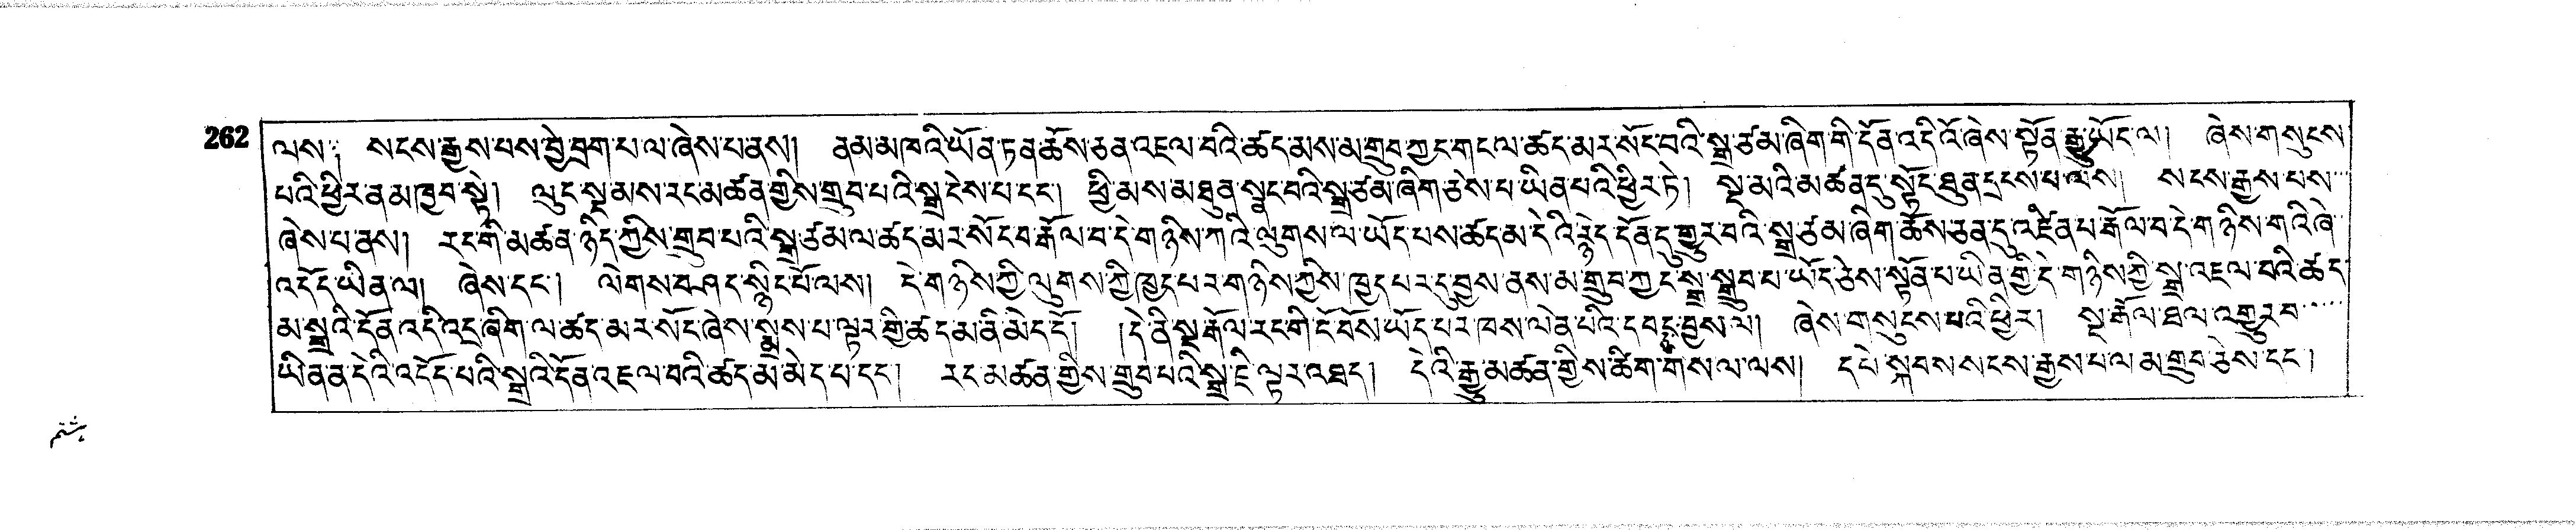ལས། སངས་རྒྱས་པས་བྱེ་བྲག་པ་ལ་ཞེས་པ་ནས། ནམ་མཁའི་ཡོན་ཏན་ཆོས་ཅན་འཇལ་བའི་ཚད་མས་མ་གྲུབ་ཀྱང་གང་ལ་ཚད་མར་སོང་བའི་སྒྲ་ཙམ་ཞིག་གི་དོན་འདིའོ་ཞེས་སྟོན་རྒྱུ་ཡོད་ལ། ཞེས་གསུངས་
པའི་ཕྱིར་ན་མ་ཁྱབ་སྟེ། ལུང་སྔ་མས་རང་མཚན་གྱིས་གྲུབ་པའི་སྒྲ་ངེས་པ་དང་། ཕྱི་མས་མཐུན་སྣང་བའི་སྒྲ་ཙམ་ཞིག་ཅེས་པ་ཡིན་པའི་ཕྱིར་ཏེ། སྔ་མའི་མཚན་དུ་སྟོང་ཐུན་དྲངས་པ་ལས། སངས་རྒྱས་པས་
ཞེས་པ་ནས། རང་གི་མཚན་ཉིད་ཀྱིས་གྲུབ་པའི་སྒྲ་ཙམ་ལ་ཚད་མར་སོང་བ་རྒོལ་བ་དེ་གཉིས་ཀའི་ལུགས་ལ་ཡོད་པས་ཚད་མ་དེའི་རྙེད་དོན་དུ་གྱུར་པའི་སྒྲ་ཙམ་ཞིག་ཆོས་ཅན་དུ་འཛིན་པ་རྒོལ་བ་དེ་གཉིས་གའི་ཞེ་
འདོད་ཡིན་ལ། ཞེས་དང་། ལེགས་བཤད་སྙིང་པོ་ལས། དེ་གཉིས་ཀྱི་ལུགས་ཀྱི་ཁྱད་པར་གཉིས་ཀྱིས་ཁྱད་པར་དུ་བྱས་ནས་མ་གྲུབ་ཀྱང་སྒྲ་སྒྲུབ་པ་ཡོད་ཅེས་སྟོན་པ་ཡིན་གྱི་དེ་གཉིས་ཀྱི་སྒྲ་འཇལ་བའི་ཚད་
མ་སྒྲའི་དོན་འདི་འདྲ་ཞིག་ལ་ཚད་མར་སོང་ཞེས་སྨྲས་པ་ལྟར་གྱི་ཚད་མ་ནི་མེད་དོ། །དེ་ནི་སྔ་རྒོལ་རང་གི་ངོ་བོས་ཡོད་པར་ཁས་ལེན་པའི་དབང་དུ་བྱས་ལ། ཞེས་གསུངས་པའི་ཕྱིར། སྔ་རྒོལ་ཐལ་འགྱུར་བ་
ཡིན་ན་དེའི་འདོད་པའི་སྒྲའི་དོན་འཇལ་བའི་ཚད་མ་མེད་པ་དང་། རང་མཚན་གྱིས་གྲུབ་པའི་སྒྲ་ཇི་ལྟར་འཐད། དེའི་རྒྱུ་མཚན་གྱིས་ཚིག་གསལ་ལས། དཔེ་སྐབས་སངས་རྒྱས་པ་ལ་མ་གྲུབ་ཅེས་དང་།